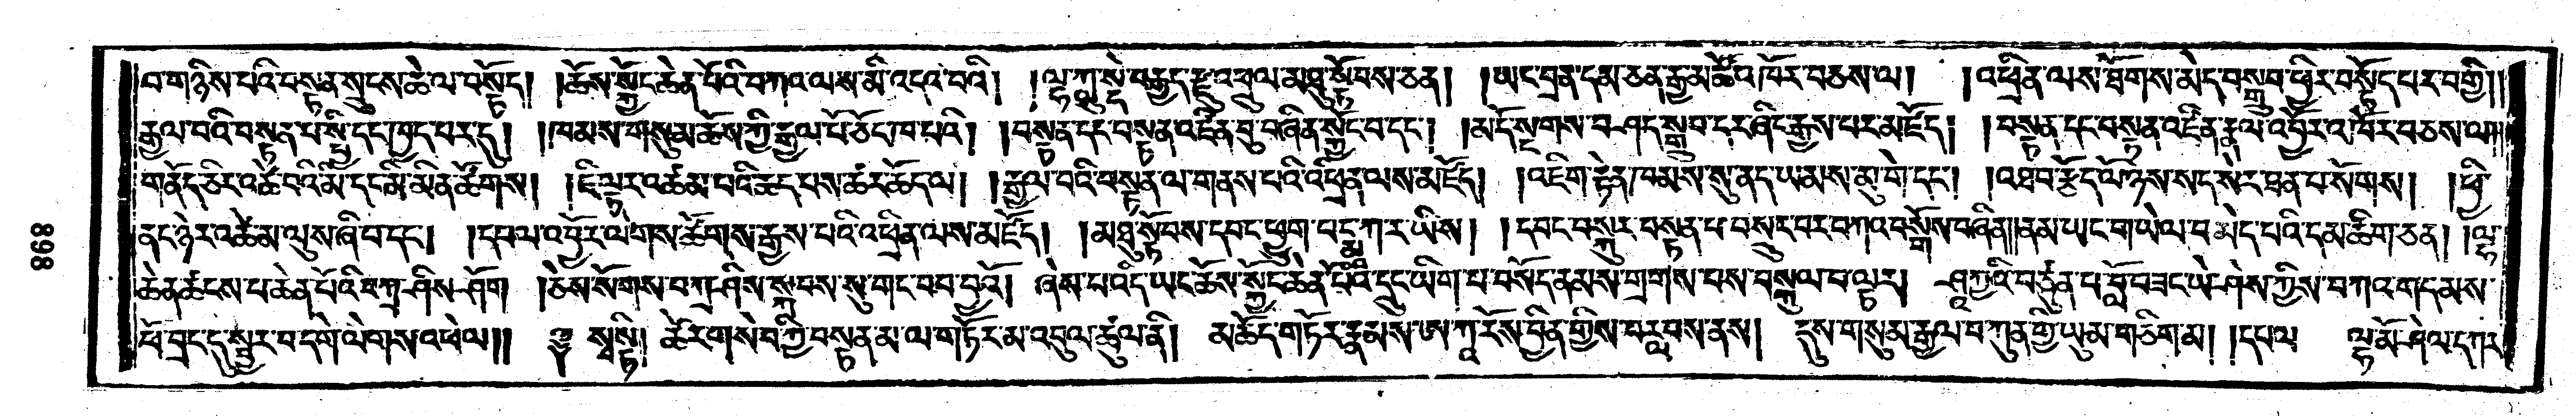བ་གཉིས་པའི་བསྟན་སྲུངས་ཆེ་ལ་བསྟོད། །ཆོས་སྐྱོང་ཆེན་པོའི་བཀའ་ལས་མི་འདའ་བའི། །ལྷ་ཀླུ་སྡེ་བརྒྱད་རྫུ་འཕྲུལ་མཐུ་སྟོབས་ཅན། །ཡང་བྲན་དམ་ཅན་རྒྱ་མཚོ་འཁོར་བཅས་ལ། །འཕྲིན་ལས་ཐོགས་མེད་བསྒྲུབ་ཕྱིར་བསྟོད་པར་བགྱི།།
རྒྱལ་བའི་བསྟན་པ་སྤྱི་དང་ཁྱད་པར་དུ། །ཁམས་གསུམ་ཆོས་ཀྱི་རྒྱལ་པོ་ཙོང་ཁ་པའི། །བསྟན་དང་བསྟན་འཛིན་བུ་བཞིན་སྐྱོང་བ་དང་། །མདོ་སྔགས་བཤད་སྒྲུབ་དར་ཞིང་རྒྱས་པར་མཛོད། །བསྟན་དང་བསྟན་འཛིན་རྣལ་འབྱོར་འཁོར་བཅས་ལ།།
གནོད་ཅིང་འཚེ་བའི་མི་དང་མི་མིན་ཚོགས། །ཇི་ལྟར་འཚམ་པའི་ཆད་པས་ཚར་ཆོད་ལ། །རྒྱལ་བའི་བསྟན་ལ་གནས་པའི་འཕྲིན་ལས་མཛོད། །འཇིག་རྟེན་ཁམས་སུ་ནད་ཡམས་མུ་གེ་དང་། །འཐབ་རྩོད་ལོ་ཉེས་སད་སེར་ཐན་པ་སོགས། །ཕྱི་
ནང་ཉེར་འཚེ་མ་ལུས་ཞི་བ་དང་། །དཔལ་འབྱོར་ལེགས་ཚོགས་རྒྱས་པའི་འཕྲིན་ལས་མཛོད། །མཐུ་སྟོབས་དབང་ཕྱུག་པདམ་ཀ་ར་ཡིས། །དབང་བསྐུར་བསྟན་པ་བསྲུང་བར་བཀའ་བསྒོས་བཞིན། །ནམ་ཡང་གཡེལ་བ་མེད་པའི་དམ་ཚིག་ཅན། །ལྷ་
ཆེན་ཚངས་པ་ཆེན་པོའི་བཀྲ་ཤིས་ཤོག །ཅེས་སོགས་བཀྲ་ཤིས་སྐབས་སུ་གང་བབ་བྱའོ། །ཞེས་པ་འདི་ཡང་ཆོས་སྐྱོང་ཆེན་པོའི་དྲུང་ཡིག་པ་བསོད་ནམས་གྲགས་པས་བསྐུལ་པ་ལྟར། ཤཱཀྱའི་བཙུན་པ་བློ་བཟང་ཡེ་ཤེས་ཀྱིས་བཀའ་གདམས་
ཕོ་བྲང་དུ་སྦྱར་བ་དགེ་ལེགས་འཕེལ།། ༈ སྭ་སྟི། ཚེར་གསེབ་ཀྱི་བསྟན་མ་ལ་གཏོར་མ་འབུལ་ཚུལ་ནི། མཆོད་གཏོར་རྣམས་ཨ་ཀཱ་རོས་བྱིན་གྱིས་བརླབས་ནས། དུས་གསུམ་རྒྱལ་བ་ཀུན་གྱི་ཡུམ་གཅིག་མ། །དཔལ་ལྷ་མོ་ཤེལ་དཀར་